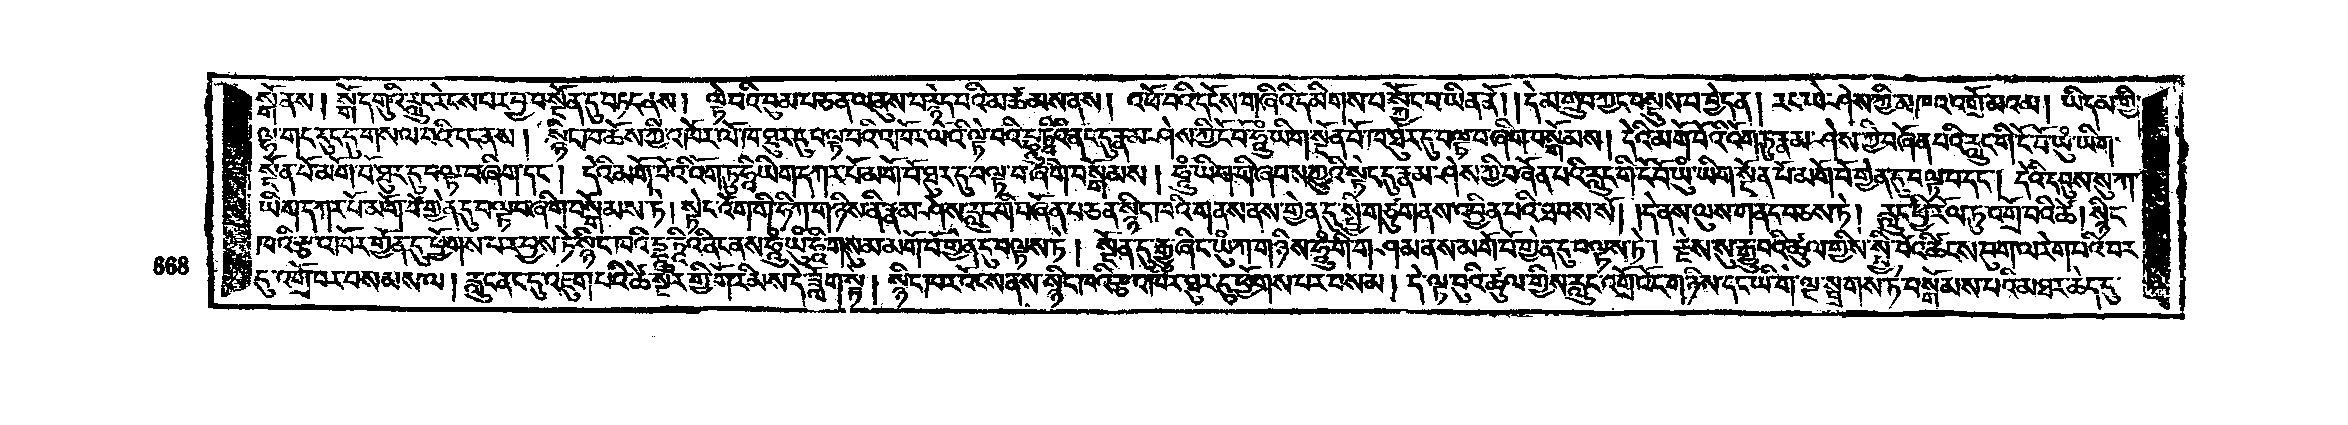སྒོ་ནས། སྒོ་དགུའི་རླུང་རེངས་པར་བྱ་བ་སྔོན་དུ་བཏང་ནས། ལྟེ་བའི་བུམ་པ་ཅན་ལ་ནུས་པ་རྙེད་པའི་མཚམས་ནས། འཕོ་བའི་དངོས་གཞིའི་དམིགས་པ་སྐྱོང་བ་ཡིན་ནོ། །དེ་མ་གྲུབ་ཀྱང་བསྡུས་པ་བྱེད་ན། རང་ཡེ་ཤེས་ཀྱི་མཁའ་འགྲོ་མའམ། ཡི་དམ་གྱི་
ལྷ་གང་རུང་དུ་གསལ་བའི་ངང་ནས། སྙིང་ཁ་ཆོས་ཀྱི་འཁོར་ལོ་ཁ་ཐུར་དུ་བལྟ་བའི་འཁོར་ལོའི་ལྟེ་བའི་དྷཱུ་ཏཱིའི་ནང་དུ་རྣམ་ཤེས་ཀྱི་ངོ་བོ་ཧཱུཾ་ཡིག་སྔོན་པོ་ཁ་ཐུར་དུ་བལྟ་བ་ཞིག་བསྒོམས། དེའི་མགོ་བོའི་འོག་ཏུ་རྣམ་ཤེས་ཀྱི་བཞོན་པའི་རླུང་གི་ངོ་བོ་ཡུཾ་ཡིག་
སྔོན་པོ་མགོ་བོ་ཐུར་དུ་བལྟ་བ་ཞིག་དང་། དེའི་མགོ་བོའི་འོག་ཏུ་ཧཱི་ཡིག་དཀར་པོ་མགོ་བོ་ཐུར་དུ་བལྟ་བ་ཞིག་བསྒོམས། ཧཱུཾ་ཡིག་གི་ཞབས་ཀྱུའི་སྟེང་དུ་རྣམ་ཤེས་ཀྱི་བཞོན་པའི་རླུང་གི་ངོ་བོ་ཡུཾ་ཡིག་སྔོན་པོ་མགོ་བོ་གྱེན་དུ་བལྟ་བ་དང་། དེའི་དབུས་སུ་ཀ་
ཡིག་དཀར་པོ་མགོ་བོ་གྱེན་དུ་བལྟ་བ་ཞིག་བསྒོམས་ཏེ། སྟེང་འོག་གི་ཧི་ཀ་གཉིས་ནི་རྣམ་ཤེས་རླུང་གི་བཞོན་པ་ཅན་སྙིང་ཁའི་གནས་ནས་གྱེན་དུ་སྤྱི་གཙུག་ནས་འབྱིན་པའི་ཐབས་སོ། །དེ་ནས་ལུས་གནད་བཅས་ཏེ། རླུང་ཕྱི་རོལ་ཏུ་འགྲོ་བའི་ཚེ། སྙིང་
ཁའི་རྩ་འཁོར་གྱེན་དུ་ཕྱོགས་པར་བྱས་ཏེ་སྙིང་ཁའི་དྷཱུ་ཏཱིའི་ནང་ནས་ཧཱུཾ་ཡུཾ་ཧཱི་གསུམ་མགོ་བོ་གྱེན་དུ་བལྟས་ཏེ། སྔོན་དུ་རྒྱུ་ཞིང་ཡུཾ་ཀ་གཉིས་ཧཱུཾ་གི་གཤམ་ནས་མགོ་བོ་གྱེན་དུ་བལྟས་ཏེ། རྗེས་སུ་རྒྱུ་བའི་ཚུལ་གྱིས་སྤྱི་བོའི་ཚིངས་བུག་ལ་རེག་པའི་བར་
དུ་འགྲོ་བར་བསམས་ལ། རླུང་ནང་དུ་འཇུག་པའི་ཚེ་སྔར་གྱི་གོ་རིམས་དེ་ཟློག་སྟེ། སྙིང་ཁར་འོངས་ནས་སྙིང་ཁའི་རྩ་འཁོར་ཐུར་དུ་ཕྱོགས་པར་བསམ། དེ་ལྟ་བུའི་ཚུལ་གྱིས་རླུང་འགྲོ་འོང་གཉིས་དང་ཡི་གེ་ལྔ་སྦྲགས་ཏེ་བསྒོམས་པའི་མཐར་ཆེད་དུ་